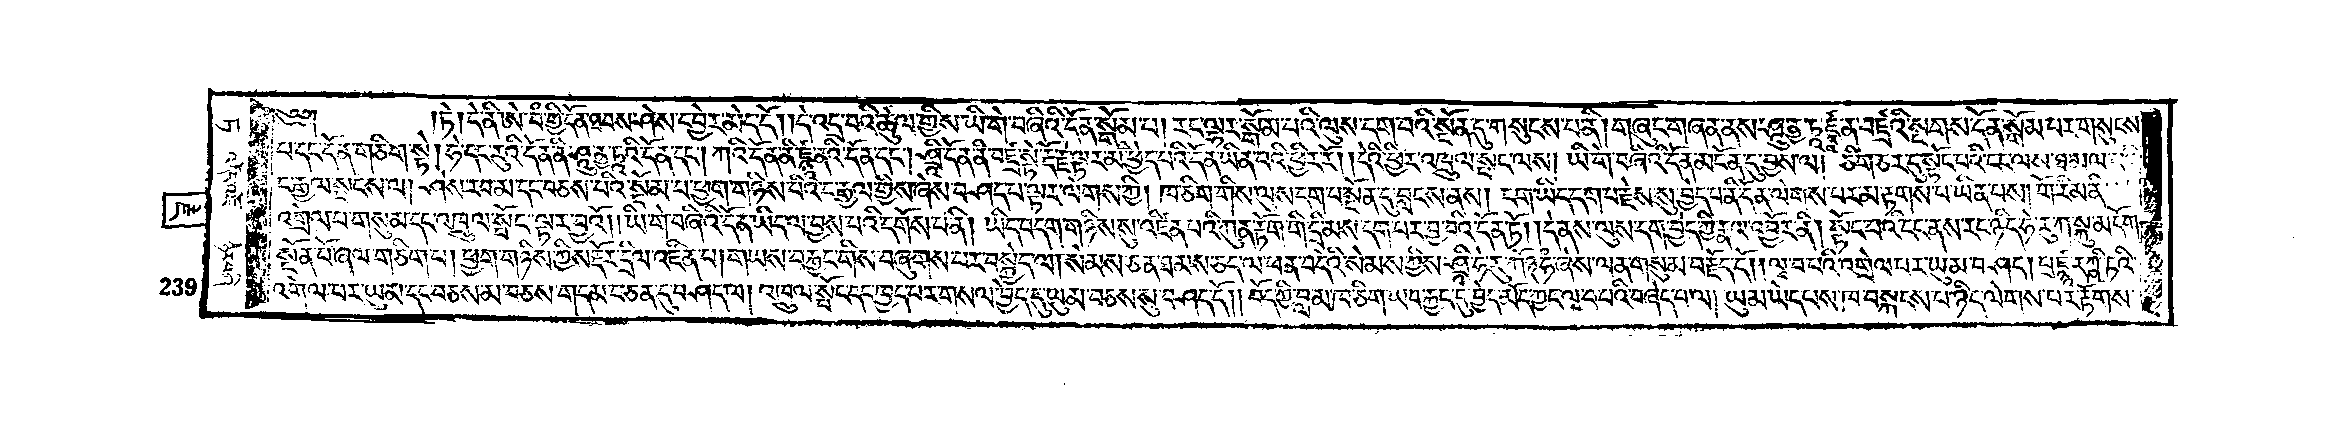༄༅། །ཏེ། དེ་ནི་ཨེ་བཾ་གྱི་དོན་ཐབས་ཤེས་དབྱེར་མེད་དོ། །དེ་འདྲ་བའི་ཚུལ་གྱིས་ཡི་གེ་བཞིའི་དོན་སྒོམ་པ། རང་ལྷར་སྒོམ་པའི་ལུས་ངག་པའི་སྔོན་དུ་གསུངས་པ་ནི། གཞུང་གཞན་ནས་ཤཱུ་ནྱ་ཏཱ་ཛྙཱ་ན་བཛྲའི་སྔགས་དོན་སྒོམ་པར་གསུངས་
པ་དང་དོན་གཅིག་སྟེ། ཧེ་དང་རུའི་དོན་ནི་ཤཱུ་ནྱ་ཏཱའི་དོན་དང་། ཀའི་དོན་ནི་ཛྙཱ་ནའི་དོན་དང་། ཤྲཱི་དོན་ནི་བཛྲ་སྟེ་རྡོ་རྗེ་ལྟར་མི་ཕྱེད་པའི་དོན་ཡིན་པའི་ཕྱིར་རོ། །དེའི་ཕྱིར་འཁྲུལ་སྤོང་ལས། ཡི་གེ་བཞིའི་དོན་མངོན་དུ་བྱས་ལ། ཅིག་ཅར་དུ་སྟོང་པའི་ངང་ལས་ཐ་མལ་པའི་
ང་རྒྱལ་སྤངས་ལ། ཤེས་རབ་མ་དང་བཅས་པའི་སྡོམ་པ་ཕྱག་གཉིས་པའི་ང་རྒྱལ་གྱིས་ཞེས་བཤད་པ་ལྟར་ལེགས་ཀྱི། ཁ་ཅིག་གིས་ལུས་དག་པ་སྔོན་དུ་བླངས་ནས། ངག་ཡིད་དག་པ་རྗེས་སུ་བྱེད་པ་ནི་དོན་ལེགས་པར་མ་རྟགས་པ་ཡིན་པས། གོ་རིམ་ནི་
འགྲེལ་པ་གསུམ་དང་འཁྲུལ་སྤོང་ལྟར་བྱའོ། །ཡི་གེ་བཞིའི་དོན་ཡིད་ལ་བྱས་པའི་དགོས་པ་ནི། ཡིད་བདག་གཉིས་སུ་འཛིན་པའི་ཀུན་རྟོག་གི་དྲི་མས་དག་པར་བྱ་བའི་དོན་ཏོ། །དེ་ནས་ལུས་དག་བྱེད་ཀྱི་རྣལ་འབྱོར་ནི། སྟོང་པའི་ངང་ནས་རང་ཉིད་ཧེ་རུ་ཀ་སྐུ་མདོག་
སྔོན་པོ་ཞལ་གཅིག་པ། ཕྱག་གཉིས་ཀྱིས་རྡོར་དྲིལ་འཛིན་པ། གཡས་བརྐྱང་གིས་བཞུགས་པར་བསྐྱེད་ལ། སེམས་ཅན་ཐམས་ཅད་ལ་ཕན་བདེའི་སེམས་ཀྱིས་ཤྲཱི་ཧེ་རུ་ཀོཉཧཾ་ཞེས་ལན་གསུམ་བརྗོད་དོ། །ལྭ་བ་པའི་འགྲེལ་པར་ཡུམ་བཤད། པྲཛྙཱ་རཀྵི་ཏའི་
འགྲེལ་པར་ཡུམ་དང་བཅས་མ་བཅས་གདམ་ང་ཅན་དུ་བཤད་ལ། འཁྲུལ་སྤོང་དང་ཁྱད་པར་གསལ་བྱེད་དུ་ཡུམ་བཅས་སུ་བཤད་དོ། །བོད་ཀྱི་བླ་མ་ཁ་ཅིག་ཡབ་རྐྱང་དུ་བྱེད་མོད་ཀྱང་ལྭ་བ་པའི་བཞེད་པ་ལ། ཡུམ་ཡོད་པས་ཁ་བསྐངས་པ་ཉིད་ལེགས་པར་རྟོགས་